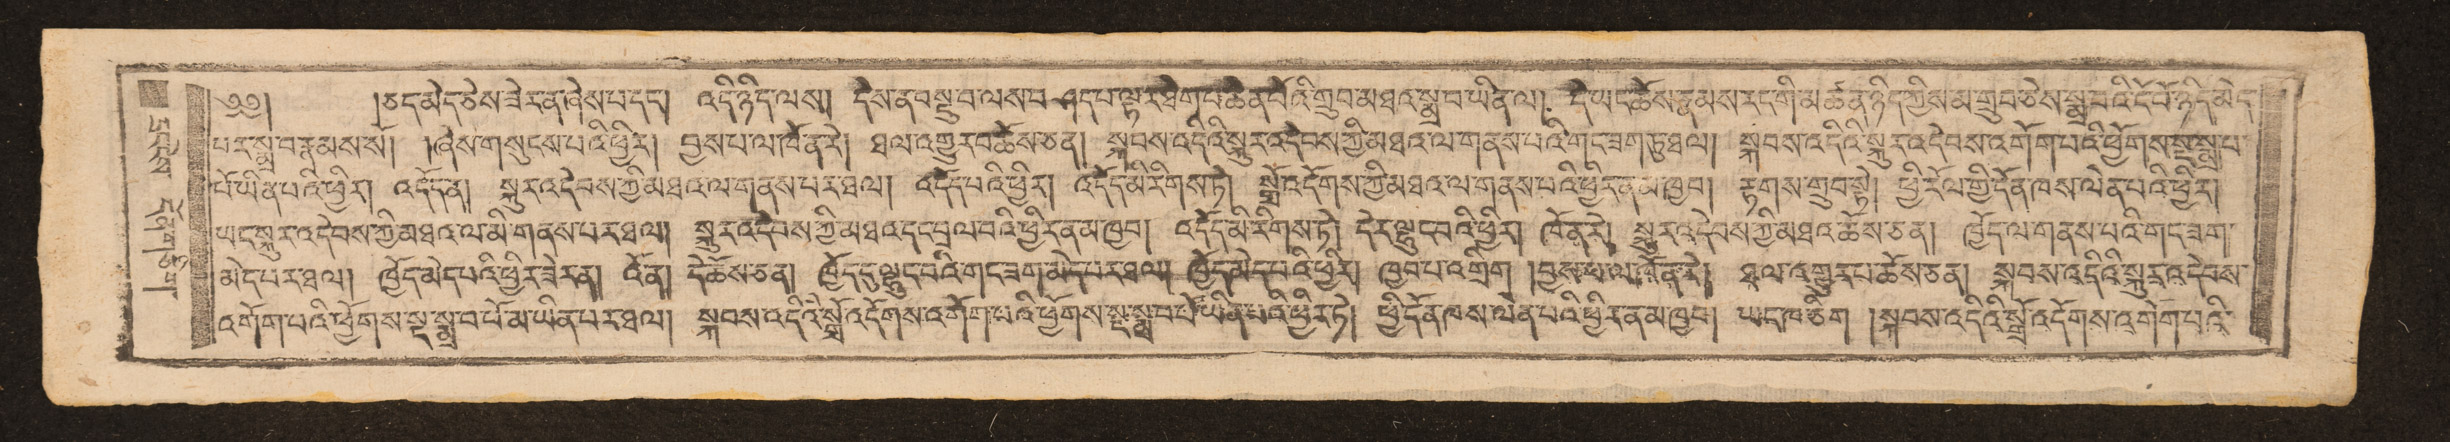༄༅། །ཅད་མེད་ཅེས་ཟེར་ན་ཞེས་པ་དང་། འདི་ཉིད་ལས། དེས་ན་བསྡུ་བ་ལས་བཤད་པ་ལྟར་ཐེག་པ་ཆེན་པོའི་གྲུབ་མཐའ་སྨྲ་བ་ཡིན་ལ། དེ་ཡང་ཆོས་རྣམས་རང་གི་མཚན་ཉིད་ཀྱིས་མ་གྲུབ་ཅེས་སྨྲ་བའི་ངོ་བོ་ཉིད་མེད་
པར་སྨྲ་བ་རྣམས་སོ། །ཞེས་གསུངས་པའི་ཕྱིར། བྱས་པ་ལ་ཁོ་ན་རེ། ཐལ་འགྱུར་བ་ཆོས་ཅན། སྐབས་འདིའི་སྐུར་འདེབས་ཀྱི་མཐའ་ལ་གནས་པའི་གང་ཟག་ཏུ་ཐལ། སྐབས་འདིའི་སྐུར་འདེབས་འགོག་བའི་ཕྱོགས་སྔ་སྨྲ་བ་
བོ་ཡིན་པའི་ཕྱིར། འདོད་ན། སྐུར་འདེབས་ཀྱི་མཐའ་ལ་གནས་པར་ཐལ། འདོད་པའི་ཕྱིར། འདོད་མི་རིགས་ཏེ། སྒྲོ་འདོགས་ཀྱི་མཐའ་ལ་གནས་པའི་ཕྱིར་ན་མ་ཁྱབ། རྟགས་གྲུབ་སྟེ། ཕྱི་རོལ་གྱི་དོན་ཁས་ལེན་པའི་ཕྱིར།
ཡང་སྐུར་འདེབས་ཀྱི་མཐའ་ལ་མི་གནས་པར་ཐལ། སྐུར་འདེབས་ཀྱི་མཐའ་དང་བྲལ་བའི་ཕྱིར་ན་མ་ཁྱབ། འདོད་མི་རིགས་ཏེ། དེར་ལྷུང་བའི་ཕྱིར། ཁོ་ན་རེ། སྐུར་འདེབས་ཀྱི་མཐའ་ཆོས་ཅན། ཁྱོད་ལ་གནས་པའི་གང་ཟག་
མེད་པར་ཐལ། ཁྱོད་མེད་པའི་ཕྱིར་ཟེར་ན། འོ་ན། དེ་ཆོས་ཅན། ཁྱོད་དུ་ལྷུང་བའི་གང་ཟག་མེད་པར་ཐལ། ཁྱོད་མེད་པའི་ཕྱིར། ཁྱབ་པ་འགྲིག །བྱས་པ་ལ་ཁོ་ན་རེ། ཐལ་འགྱུར་པ་ཆོས་ཅན། སྐབས་འདིའི་སྐུར་འདེབས་
འགོག་པའི་ཕྱོགས་སྔ་སྨྲ་བ་པོ་མ་ཡིན་པར་ཐལ། སྐབས་འདིའི་སྒྲོ་འདོགས་འགོག་པའི་ཕྱོགས་སྔ་སྨྲ་བ་པོ་ཡིན་པའི་ཕྱིར་ཏེ། ཕྱི་དོན་ཁས་ལེན་པའི་ཕྱིར་ན་མ་ཁྱབ། ཡང་ཁ་ཅིག །སྐབས་འདིའི་སྒྲོ་འདོགས་འགོག་པའི་